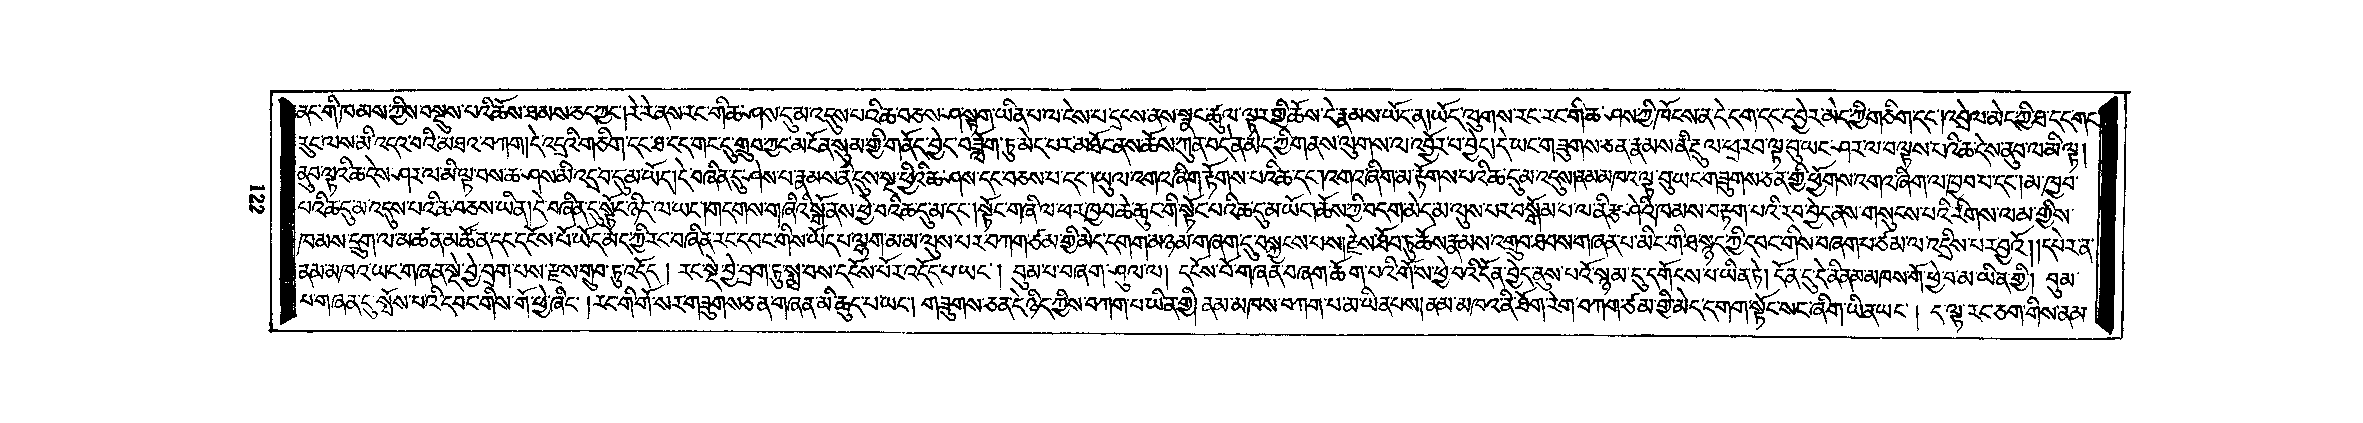ནང་གི་ཁམས་ཀྱིས་བསྡུས་པའི་ཆོས་ཐམས་ཅད་ཀྱང་། རེ་རེ་ནས་རང་གི་ཆ་ཤས་དུ་མ་འདུས་པའི་ཆ་བཅས་ཤ་སྟག་ཡིན་པ་ལ་ངེས་པ་དྲངས་ནས་སྣང་ཚུལ་ལྟར་གྱི་ཆོས་དེ་རྣམས་ཡོད་ན། ཡོད་ལུགས་རང་རང་གི་ཆ་ཤས་ཀྱི་ཁོངས་ན་དེ་དག་དང་དབྱེར་མེད་ཀྱི་གཅིག་དང་། འབྲེལ་མེད་ཀྱི་ཐ་དད་གང་
རུང་ལས་མི་འདའ་བའི་མཐའ་བཀག །དེ་འདྲའི་གཅིག་དང་ཐ་དད་གང་དུ་གྲུབ་ཀྱང་མངོན་སུམ་གྱི་གནོད་བྱེད་བཟློག་ཏུ་མེད་པར་མཐོང་ནས་ཆོས་ཀུན་བདེན་མེད་ཀྱི་གནས་ལུགས་ལ་འབྱོར་པ་བྱེད། དེ་ཡང་གཟུགས་ཅན་རྣམས་ནི་རྡུལ་ཕྲ་རབ་ལྟ་བུ་ཡང་ཤར་ལ་བལྟས་པའི་ཆ་དེས་ནུབ་ལ་མི་ལྟ།
ནུབ་ལྟའི་ཆ་དེས་ཤར་ལ་མི་ལྟ་བས་ཆ་ཤས་མི་འདྲ་བ་དུ་མ་ཡོད། དེ་བཞིན་དུ་ཤེས་པ་རྣམས་ནི་དུས་སྔ་ཕྱིའི་ཆ་ཤས་དང་བཅས་པ་དང་། ཡུལ་འགའ་ཞིག་རྟོགས་པའི་ཆ་དང་། འགའ་ཞིག་མ་རྟོགས་པའི་ཆ་དུ་མ་འདུས། ནམ་མཁའ་ལྟ་བུ་ཡང་གཟུགས་ཅན་གྱི་ཕྱོགས་འགའ་ཞིག་ལ་ཁྱབ་པ་དང་། མ་ཁྱབ་
པའི་ཆ་དུ་མ་འདུས་པའི་ཆ་བཅས་ཡིན། དེ་བཞིན་དུ་སྟོང་ཉིད་ལ་ཡང་། གདགས་གཞིའི་སྒོ་ནས་ཕྱེ་བའི་ཆ་དུ་མ་དང་། སྟོང་གཞི་ལ་ཕར་ཁྱབ་ཆེ་ཆུང་གི་སྟོང་པའི་ཆ་དུ་མ་ཡོང་། ཆོས་ཀྱི་བདག་མེད་མ་ལུས་པར་བསྒོམ་པ་ལ་ནི་རྩ་ཤེའི་ཁམས་བརྟག་པའི་རབ་བྱེད་ནས་གསུངས་པའི་རིགས་ལམ་གྱིས་
ཁམས་དྲུག་ལ་མཚན་མཚོན་དང་དངོས་པོ་ཡོད་མེད་ཀྱི་རང་བཞིན་རང་དབང་གིས་ཡོད་པ་ལྷག་མ་མ་ལུས་པར་བཀག་ཙམ་གྱི་མེད་དགག་མཉམ་གཞག་དུ་བསྐྱངས་པས། རྗེས་ཐོབ་ཏུ་ཆོས་རྣམས་འགྲུབ་ཐབས་གཞན་པ་མིང་གི་ཐ་སྙད་ཀྱི་དབང་གིས་བཞག་པ་ཙམ་ལ་འདྲིས་པར་བྱའོ། །དཔེར་ན་
ནམ་མཁའ་ཡང་གཞན་སྡེ་བྱེ་བྲག་པས་རྫས་གྲུབ་ཏུ་འདོད། རང་སྡེ་བྱེ་བྲག་ཏུ་སྨྲ་བས་དངོས་པོར་འདོད་པ་ཡང་། བུམ་པ་བཞག་ཤུལ་ལ། དངོས་པོ་གཞན་བཞག་ཆོག་པའི་གོ་ས་ཕྱེ་བའི་དོན་བྱེད་ནུས་པའོ་སྙམ་དུ་དགོངས་པ་ཡིན་ཏེ། དོན་དུ་དེ་ནི་ནམ་མཁས་གོ་ཕྱེ་བ་མ་ཡིན་གྱི། བུམ་
པ་གཞན་དུ་སྤོས་པའི་དབང་གིས་གོ་ཕྱེ་ཞིང་། རང་གི་གོ་སར་གཟུགས་ཅན་གཞན་མི་ཆུད་པ་ཡང་། གཟུགས་ཅན་དེ་ཉིད་ཀྱིས་བཀག་པ་ཡིན་གྱི། ནམ་མཁས་བཀག་པ་མ་ཡིན་པས། ནམ་མཁའ་ནི་ཐོག་རེག་བཀག་ཙམ་གྱི་མེད་དགག་སྟོང་སང་ཞིག་ཡིན་ཡང་། ད་ལྟ་རང་ཅག་གིས་ནམ་